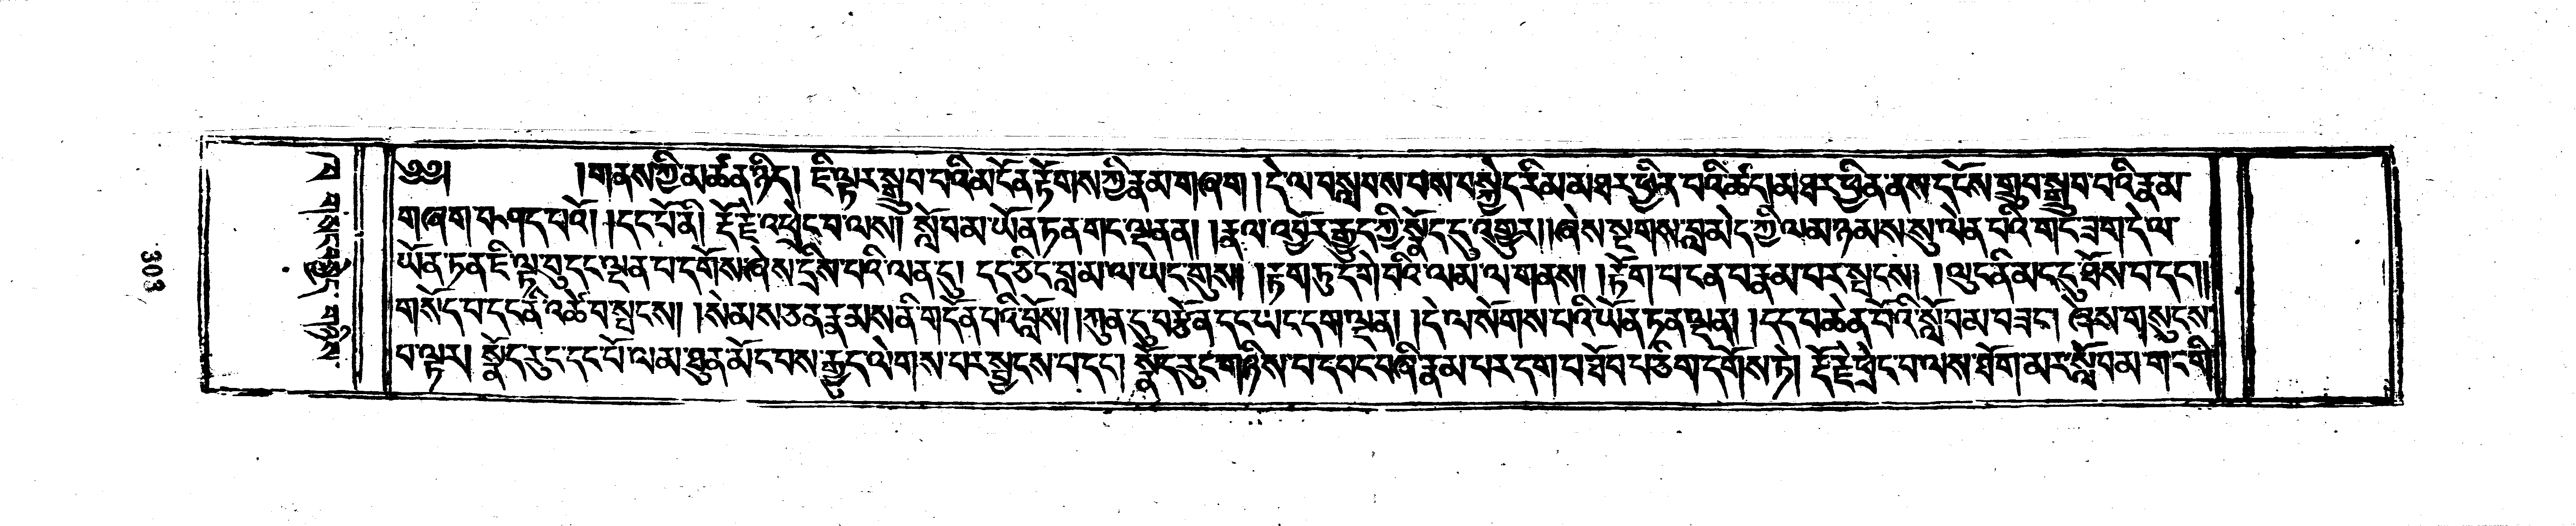༄༅། །གནས་ཀྱི་མཚན་ཉིད། ཇི་ལྟར་སྒྲུབ་པའི་མངོན་རྟོགས་ཀྱི་རྣམ་གཞག །དེ་ལ་བསླབས་པས་བསྐྱེད་རིམ་མཐར་ཕྱིན་པའི་ཚད། མཐར་ཕྱིན་ནས་དངོས་གྲུབ་སྒྲུབ་པའི་རྣམ་
གཞག་བཤད་པའོ། །དང་པོ་ནི། རྡོ་རྗེ་འཕྲེང་བ་ལས། སློབ་མ་ཡོན་ཏན་གང་ལྡན་ན། །རྣལ་འབྱོར་རྒྱུད་ཀྱི་སྣོད་དུ་འགྱུར། །ཞེས་སྔགས་བླ་མེད་ཀྱི་ལམ་ཉམས་སུ་ལེན་པའི་གང་ཟག་དེ་ལ་
ཡོན་ཏན་ཇི་ལྟ་བུ་དང་ལྡན་པ་དགོས་ཞེས་དྲིས་པའི་ལན་དུ། དད་ཅིང་བླ་མ་ལ་ཡང་གུས། །རྟག་ཏུ་དགེ་བའི་ལམ་ལ་གནས། །རྟོག་པ་ངན་པ་རྣམ་པར་སྤངས། །ལུང་ནི་མང་དུ་ཐོས་པ་དང།།
གསོད་པ་དང་ནི་འཚེ་བ་སྤངས། །སེམས་ཅན་རྣམས་ནི་གདོན་པའི་བློས། །ཀུན་དུ་བརྩོན་དང་ཡང་དག་ལྡན། །དེ་ལ་སོགས་པའི་ཡོན་ཏན་ལྡན། །དད་པ་ཆེན་པོའི་སློབ་མ་བཟང་། ཞེས་གསུངས་
པ་ལྟར། སྣོད་རུང་དང་པོ་ལམ་ཐུན་མོང་བས་རྒྱུད་ལེགས་པར་སྦྱངས་པ་དང་། སྣོད་རུང་གཉིས་པ་དབང་བཞི་རྣམ་པར་དག་པ་ཐོབ་པ་ཅིག་དགོས་ཏེ། རྡོ་རྗེ་ཕྲེང་བ་ལས་ཐོག་མར་སློབ་མ་གང་གི་